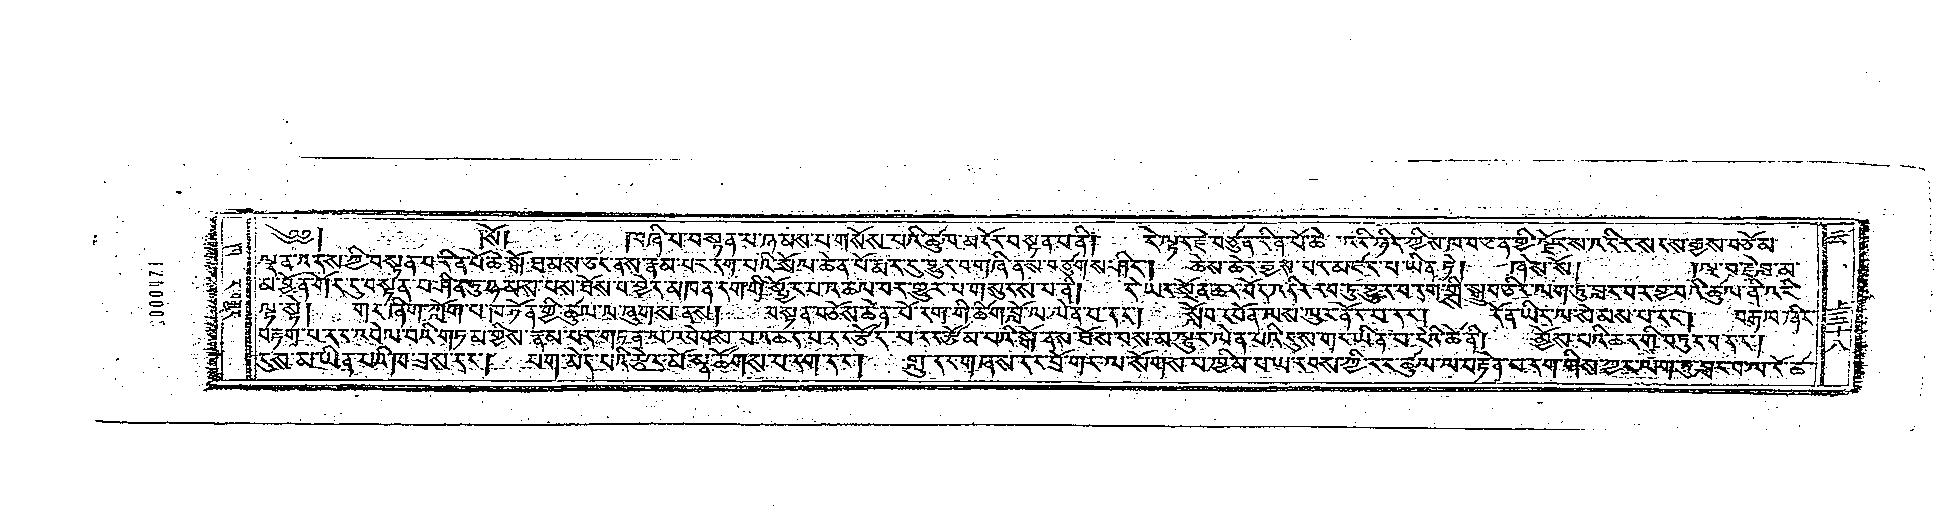༄༅། །སོ། །བཞི་པ་བསྟན་པ་ཉམས་པ་གསོས་པའི་ཚུལ་མངོར་བསྟན་པ་ནི། དེ་ལྟར་རྗེ་བཙུན་རིན་པོ་ཆེ་འདི་ཉིད་ཀྱིས་ཁ་བ་ཅན་གྱི་ལྗོངས་འདིར་སངས་རྒྱས་བཅོམ་
ལྡན་འདས་ཀྱི་བསྟན་པ་རིན་པོ་ཆེ་སྒོ་ཐམས་ཅད་ནས་རྣམ་པར་དག་པའི་སྲོལ་ཆེན་པོ་རྨད་དུ་བྱུང་བ་གཞི་ནས་བཙུགས་ཤིང་། ཆེས་ཆེས་རྒྱས་པར་མཛད་པ་ཡིན་ཏེ། ཞེས་སོ། །ལྔ་བ་རྗེ་བླ་མ་
མ་བྱོན་གོང་དུ་བསྟན་པ་ཤིན་ཏུ་ཉམས་པས་ཐོས་པ་བྱེད་མཁན་དག་གི་སྦྱོང་པ་འཆལ་བར་གྱུར་པ་གསུངས་པ་ནི། དེ་ཡང་སྔོན་ཆད་བོང་འདིར་རབ་ཏུ་བྱུང་བ་དག་གིས་སྒྲུབ་ཅིང་ལག་ཏུ་བླང་བར་བྱ་བའི་ཚུལ་ནི་འདི་
ལྟ་སྟེ། གང་ཞིག་ཀློག་པ་ཁ་ཏོན་གྱི་ཚུལ་ལ་ཞུགས་ནས། བསྟན་བཅོས་ཆེན་པོ་དག་གི་ཚིག་བློ་ལ་ལེན་བ་དང་། སློབ་དཔོན་ལས་ལུང་ནོད་པ་དང་། དོན་ཡིད་ལ་སེམས་པ་དང་། བརྒལ་ཞིང་
བརྟག་པ་དང་འབེལ་བའི་གཏམ་གྱིས་རྣམ་པར་གཏན་ལ་འབེབས་པ་འཆང་པ་དང་རྩོང་བ་དང་རྩོམ་པའི་སྒོ་ནས་ཐོས་བསམ་ལྟུར་ལེན་པའི་དུས་གང་ཡིན་པ་དེའི་ཚེ་ནི། མྱོས་པའི་ཆང་གི་བཏུང་བ་དང་།
དུས་མ་ཡིན་པའི་ཁ་ཟས་དང་། པག་མེད་པའི་རྩེད་མོ་སྣ་ཚོགས་པ་ངག་དང་། གླུ་དང་གཞས་དང་བྲོ་གང་ལ་སོགས་པ་ཁྱིམ་པ་ཡ་རབས་ཀྱི་ངང་ཚུལ་ལ་བརྟེན་པ་དག་གིས་ཀྱང་ལག་ཏུ་བླང་བ་ལ་ངོ་ཚ་